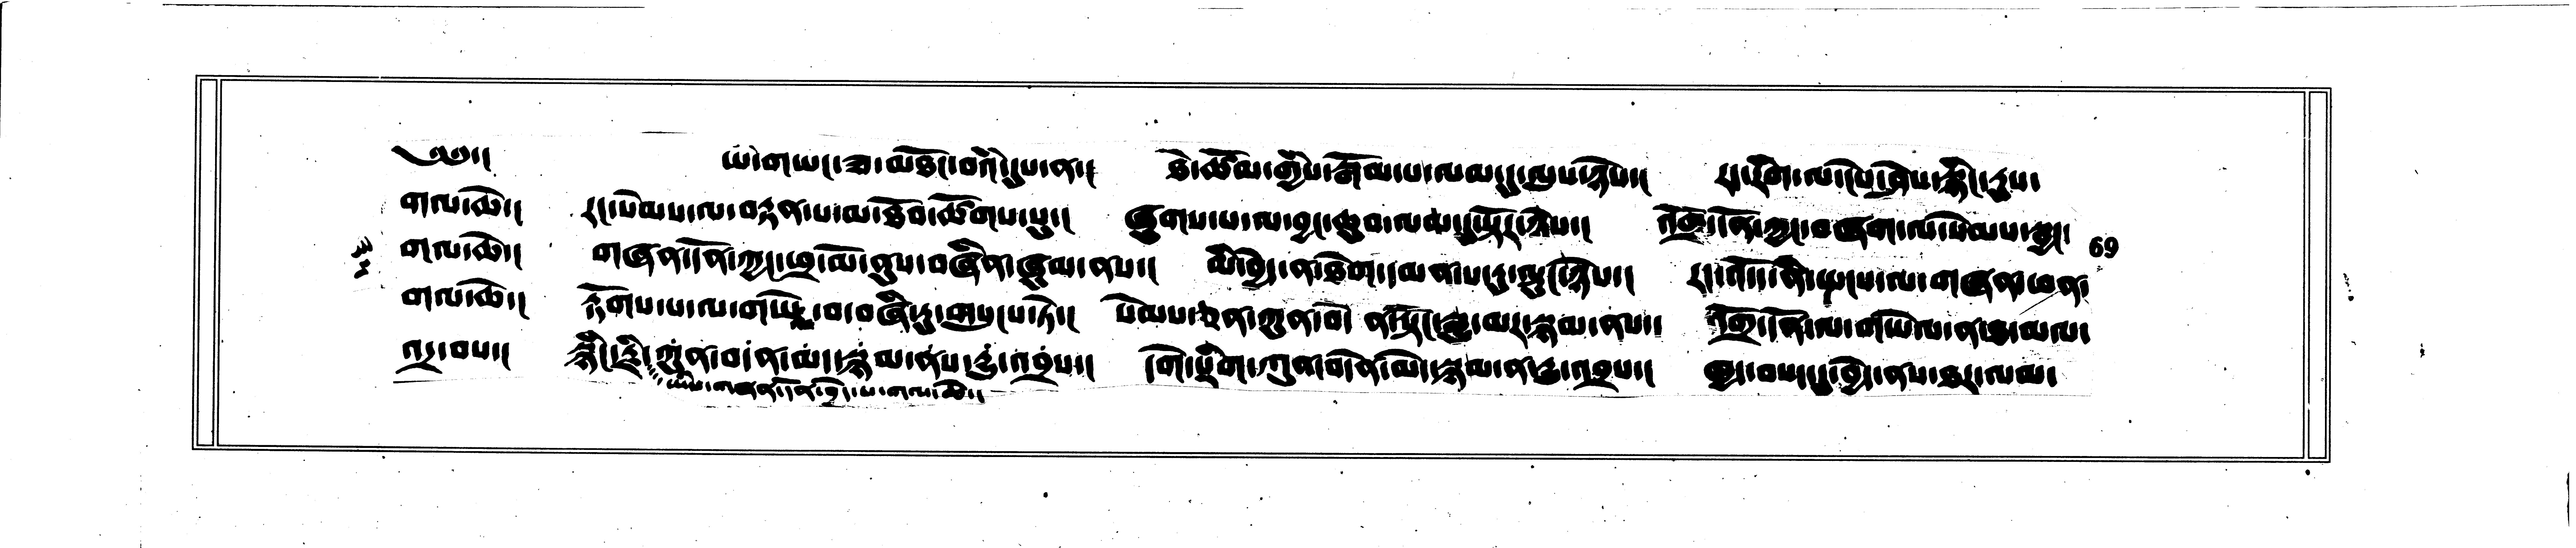ཡི་གཡང་ཟ་མཐོང་བའི་དུས་ན། །ཐེ་ཚོམ་གྱིས་སྒོམ་ལམ་དུ་ལུས་ཉེས། །རང་རིག་ལ་ངེས་ཤེས་སྙིང་རུས་
གལ་ཆེ། །རང་སེམས་ལ་བརྟན་པ་མ་ཐོབ་ཚོགས་སུ། །ཞུགས་པ་ལ་བྱང་ཆུབ་ལམ་དུ་སྟོར་ཉེས། །འགྲོ་དོན་ཀྱང་བཞག་ལ་སེམས་སྦྱོང་
གལ་ཆེ། །གཞན་དོན་ཀྱང་ཕྲ་མོ་ནུས་བཞིན་ཞུམས་ནས། །མི་བྱེད་ན་ཐེག་དམན་པ་རུ་ལྟུང་ཉེས། །རང་འདོད་ནི་སྤང་ལ་གཞན་ཕན་ནི་
གལ་ཆེ། །རྟོགས་པ་ལ་གཡོལ་བ་བཞི་རུ་གསུངས་ཏེ། །སེམས་ཅན་ཀུན་བདེན་སྟོང་སྒྱུ་མར་སྙམ་ནས། །འགྲོ་དོན་ལ་གཡེལ་ན་ཐ་མལ་
འདྲ་བས། །སྙིང་རྗེ་ཡིས་གཞན་དོན་བྱེད་པ་གལ་ཆེ། །དགེ་སྡིག་ཀུན་བདེན་མེད་སྙམ་ན་རྒྱུ་འབྲས། །ཁྱད་བསད་དུ་བྱེད་ནས་ཐར་ལམ་